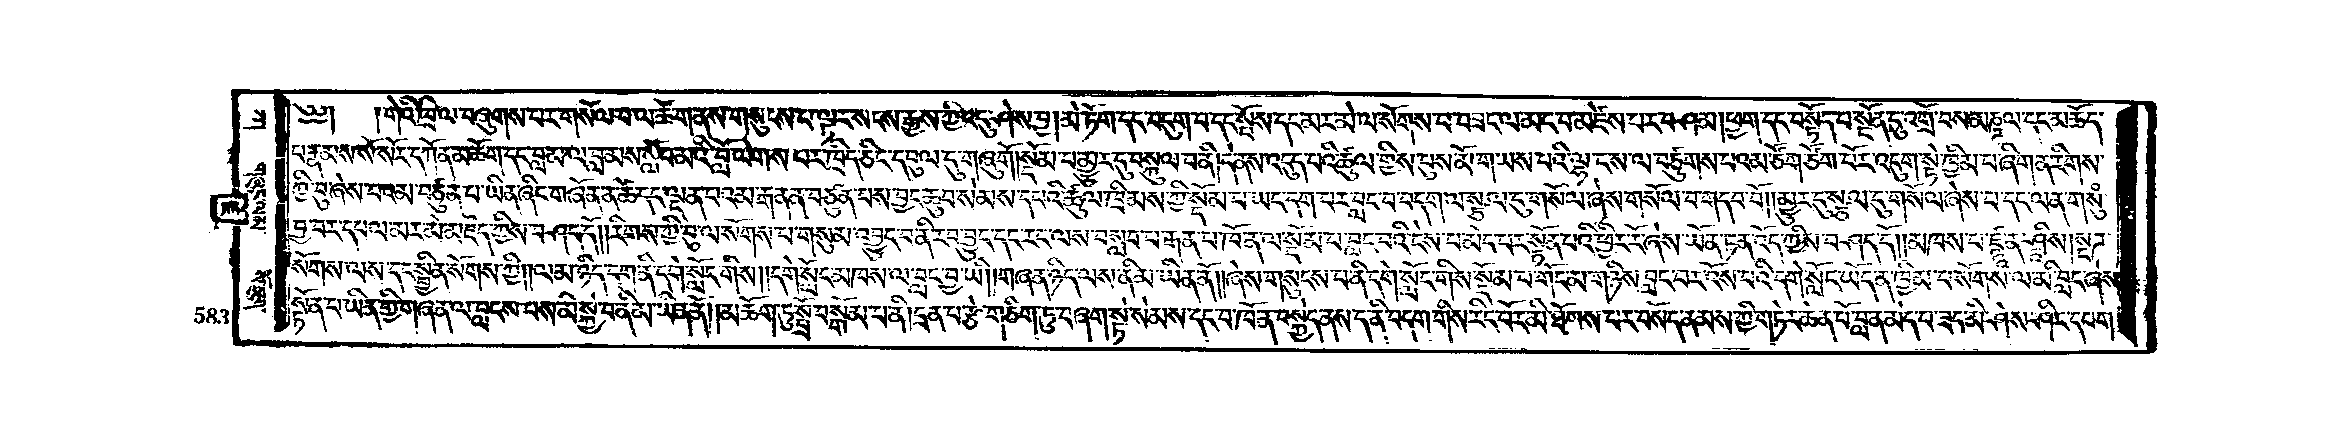༄༅། །གེའི་ཁྲི་ལ་བཞུགས་པར་གསོལ་བ་ལ་ཆོ་ག་ནས་གསུངས་པ་ལྟར་སངས་རྒྱས་ཀྱི་འདུ་ཤེས་བྱ། མེ་ཏོག་དང་བདུག་པ་དང་སྤོས་དང་མར་མེ་ལ་སོགས་པ་བཟང་ལ་མང་བ་མཛེས་པར་བཤམ། ཕྱག་དང་བསྟོད་པ་སྔོན་དུ་འགྲོ་བས་མཎྜལ་དང་མཆོད་
པ་རྣམས་སོ་སོར་དཀོན་མཆོག་དང་བླ་མ་ལ་བླ་མས་སློབ་མའི་བློ་ལེགས་པར་ཁྲིད་ཅིང་དབུལ་དུ་གཞུག་གོ །སྡོམ་པ་མྱུར་དུ་བསྐུལ་བ་ནི། དེ་ནས་འདུད་པའི་ཚུལ་གྱིས་པུས་མོ་གཡས་པའི་ལྷ་ངས་?་ལ་བཙུགས་པའམ་ཙོག་ཙོག་པོར་འདུག་སྟེ་ཁྱིམ་པ་ཞིག་ན་རིགས་
ཀྱི་བུ་ཞེས་པའམ་བཙུན་པ་ཡིན་ཞིང་གཞོན་ན་ཚེ་དང་ལྡན་པའམ་རྒན་ན་བཙུན་པས་བྱང་ཆུབ་སེམས་དཔའི་ཚུལ་ཁྲིམས་ཀྱི་སྡོམ་པ་ཡང་དག་པར་བླང་བ་བདག་ལ་སྩལ་དུ་གསོལ་ཞེས་གསོལ་བ་གདབ་བོ། །མྱུར་དུ་སྩལ་དུ་གསོལ་ཞེས་པ་དང་ལན་གསུཾ་
བྱ་བར་དཔལ་མར་མེ་མཛོད་ཀྱིས་བཤད་དོ། །རིགས་ཀྱི་བུ་ལ་སོགས་པ་གསུམ་འབྱུང་བ་ནི་རབ་བྱུང་དང་རང་ལས་བསླབ་པ་རྒན་པ་ཁོ་ན་ལ་སྡོམ་པ་བླང་བའི་ངེས་པ་མེད་པར་སྟོན་པའི་ཕྱིར་རོ་ཞེས་ཡོན་ཏན་འོད་ཀྱིས་བཤད་དོ། །མཁས་པ་ཛྙཱ་ན་ཤྲཱིས། སྔཌ་
སོགས་ལས་དང་སྦྱིན་སོགས་ཀྱི། །ལམ་ཉིད་དག་ནི་དགེ་སློང་གིས། །དགེ་སློང་མཁས་ལ་བླང་བྱ་ཡི། །གཞན་ཉིད་ལས་ནི་མ་ཡིན་ནོ། །ཞེས་གསུངས་པ་ནི་དགེ་སློང་གིས་སྡོམ་པ་གོང་མ་གཉིས་བླང་བར་འོས་པའི་དགེ་སློང་ཡོད་ན་ཁྱིམ་པ་སོགས་ལ་མི་བླང་ཞེས་
སྟོན་པ་ཡིན་གྱི་གཞན་ལ་བླངས་པས་མི་སྐྱེ་བ་ནི་མ་ཡིན་ནོ། །མཆོག་ཏུ་སྤྲོ་བསྒོམ་པ་ནི། དྲན་པ་རྩེ་གཅིག་ཏུ་བཞག་སྟེ་སེམས་དང་བ་ཁོ་ན་བསྐྱེད་ནས་ད་ནི་བདག་གིས་རིང་པོར་མི་ཐོགས་པར་བསོད་ནམས་ཀྱི་གཏེར་ཆེན་པོ་བླ་ན་མེད་པ་ཟད་མི་ཤེས་ཤིང་དཔག་